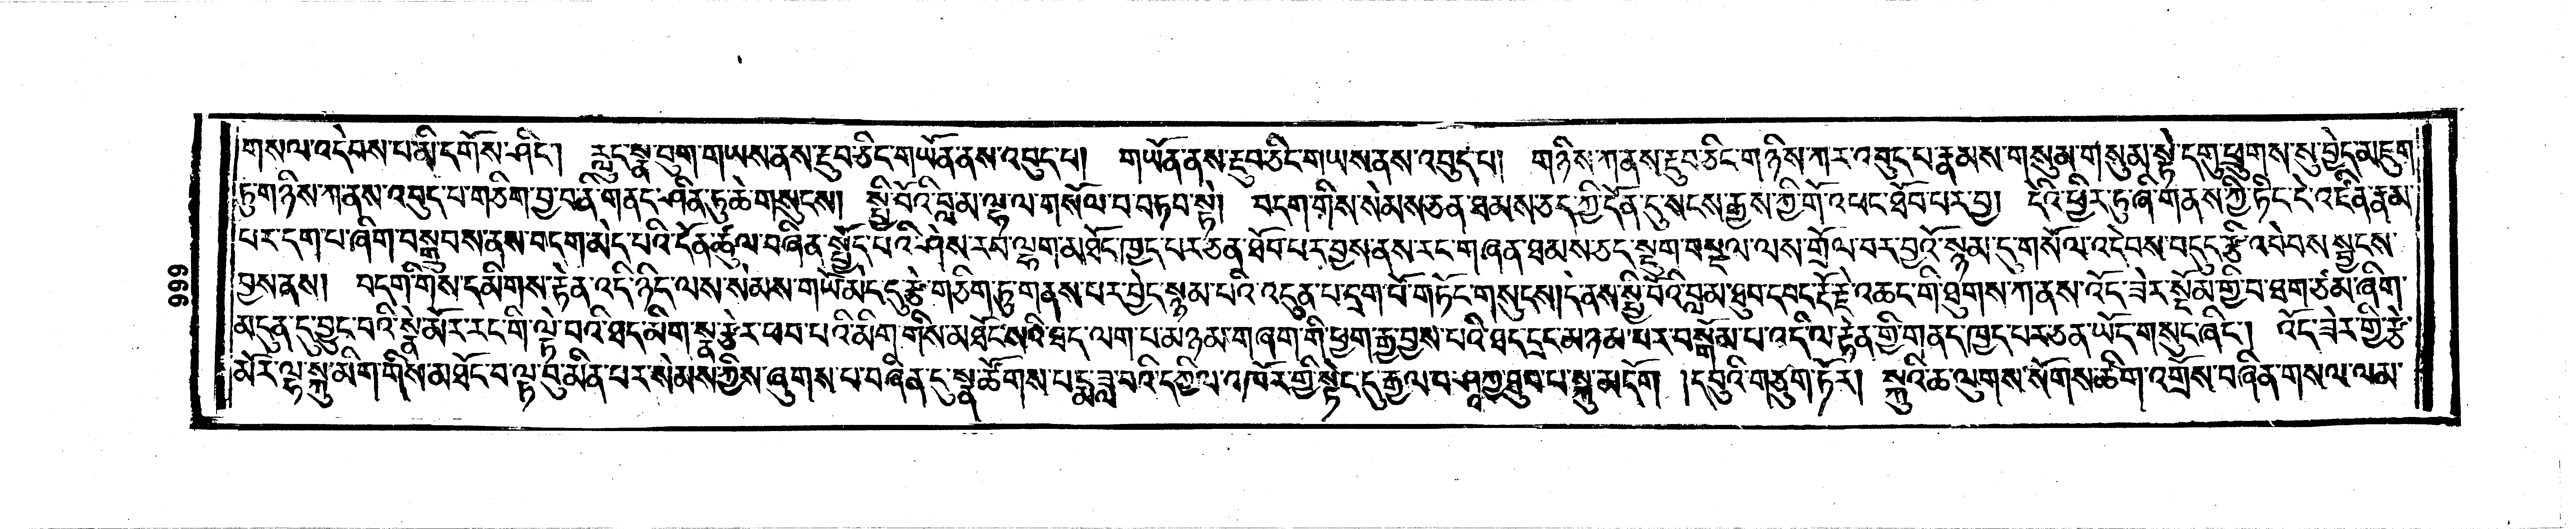གསལ་འདེབས་པ་མི་དགོས་ཤིང་། རླུང་སྣ་བུག་གཡས་ནས་རྡུབ་ཅིང་གཡོན་ནས་འབུད་པ། གཡོན་ནས་རྡུབ་ཅིང་གཡས་ནས་འབུད་པ། གཉིས་ཀ་ནས་རྡུབ་ཅིང་གཉིས་ཀར་འབུད་པ་རྣམས་གསུམ་གསུམ་སྟེ་དགུ་ཕྲུགས་སུ་བྱེད་མཇུག་
ཏུ་གཉིས་ཀ་ནས་འབུད་པ་གཅིག་བྱ་བ་ནི་གནང་ཤིན་ཏུ་ཆེ་གསུངས། སྤྱི་བོའི་བླ་མ་ལྷ་ལ་གསོལ་བ་བཏབ་སྟེ། བདག་གིས་སེམས་ཅན་ཐམས་ཅད་ཀྱི་དོན་དུ་སངས་རྒྱས་ཀྱི་གོ་འཕང་ཐོབ་པར་བྱ། དེའི་ཕྱིར་ཏུ་ཞི་གནས་ཀྱི་ཏིང་ངེ་འཛིན་རྣམ་
པར་དག་པ་ཞིག་བསྒྲུབས་ནས་བདག་མེད་པའི་དོན་ཚུལ་བཞིན་སྤྱོད་པའི་ཤེས་རབ་ལྷག་མཐོང་ཁྱད་པར་ཅན་ཐོབ་པར་བྱས་ནས་རང་གཞན་ཐམས་ཅད་སྡུག་བསྔལ་ལས་གྲོལ་བར་བྱའོ་སྙམ་དུ་གསོལ་འདེབས་བདུད་རྩི་འབེབས་སྦྱངས་
བྱས་ནས། བདག་གིས་དམིགས་རྟེན་འདི་ཉིད་ལས་སེམས་གཡོ་མེད་དུ་རྩེ་གཅིག་ཏུ་གནས་པར་བྱེད་སྙམ་པའི་འདུན་པ་དྲག་པོ་གཏོང་གསུངས། དེ་ནས་སྤྱི་བོའི་བླ་མ་ཐུབ་དབང་རྡོ་རྗེ་འཆང་གི་ཐུགས་ཀ་ནས་འོད་ཟེར་སྔོམ་གྱི་བ་ཐག་ཙམ་ཞིག་
མདུན་དུ་བྱུང་བའི་སྣེ་མོར་རང་གི་ལྟེ་བའི་ཐད་མིག་སྣ་རྩེར་ཕབ་པའི་མིག་གིས་མཐོང་སའི་ཐད་ལག་པ་མཉམ་གཞག་གི་ཕྱག་རྒྱ་བྱས་པའི་ཐད་དྲང་མཉམ་པར་བསྒོམ་པ་འདི་ལ་རྟེན་གྱི་གནད་ཁྱད་པར་ཅན་ཡོད་གསུང་ཞིང་། འོད་ཟེར་གྱི་རྩེ་
མོར་ལྷ་སྐུ་མིག་གིས་མཐོང་བ་ལྟ་བུ་མིན་པར་སེམས་ཀྱིས་ཞུགས་པ་བཞིན་དུ་སྣ་ཚོགས་པདམ་ཟླ་བའི་དཀྱིལ་འཁོར་གྱི་སྟེང་དུ་རྒྱལ་བ་ཤཱཀྱ་ཐུབ་པ་སྐུ་མདོག །དབུའི་གཙུག་ཏོར། སྐུའི་ཆ་ལུགས་སོགས་ཚིག་འགྲོས་བཞིན་གསལ་ལམ་